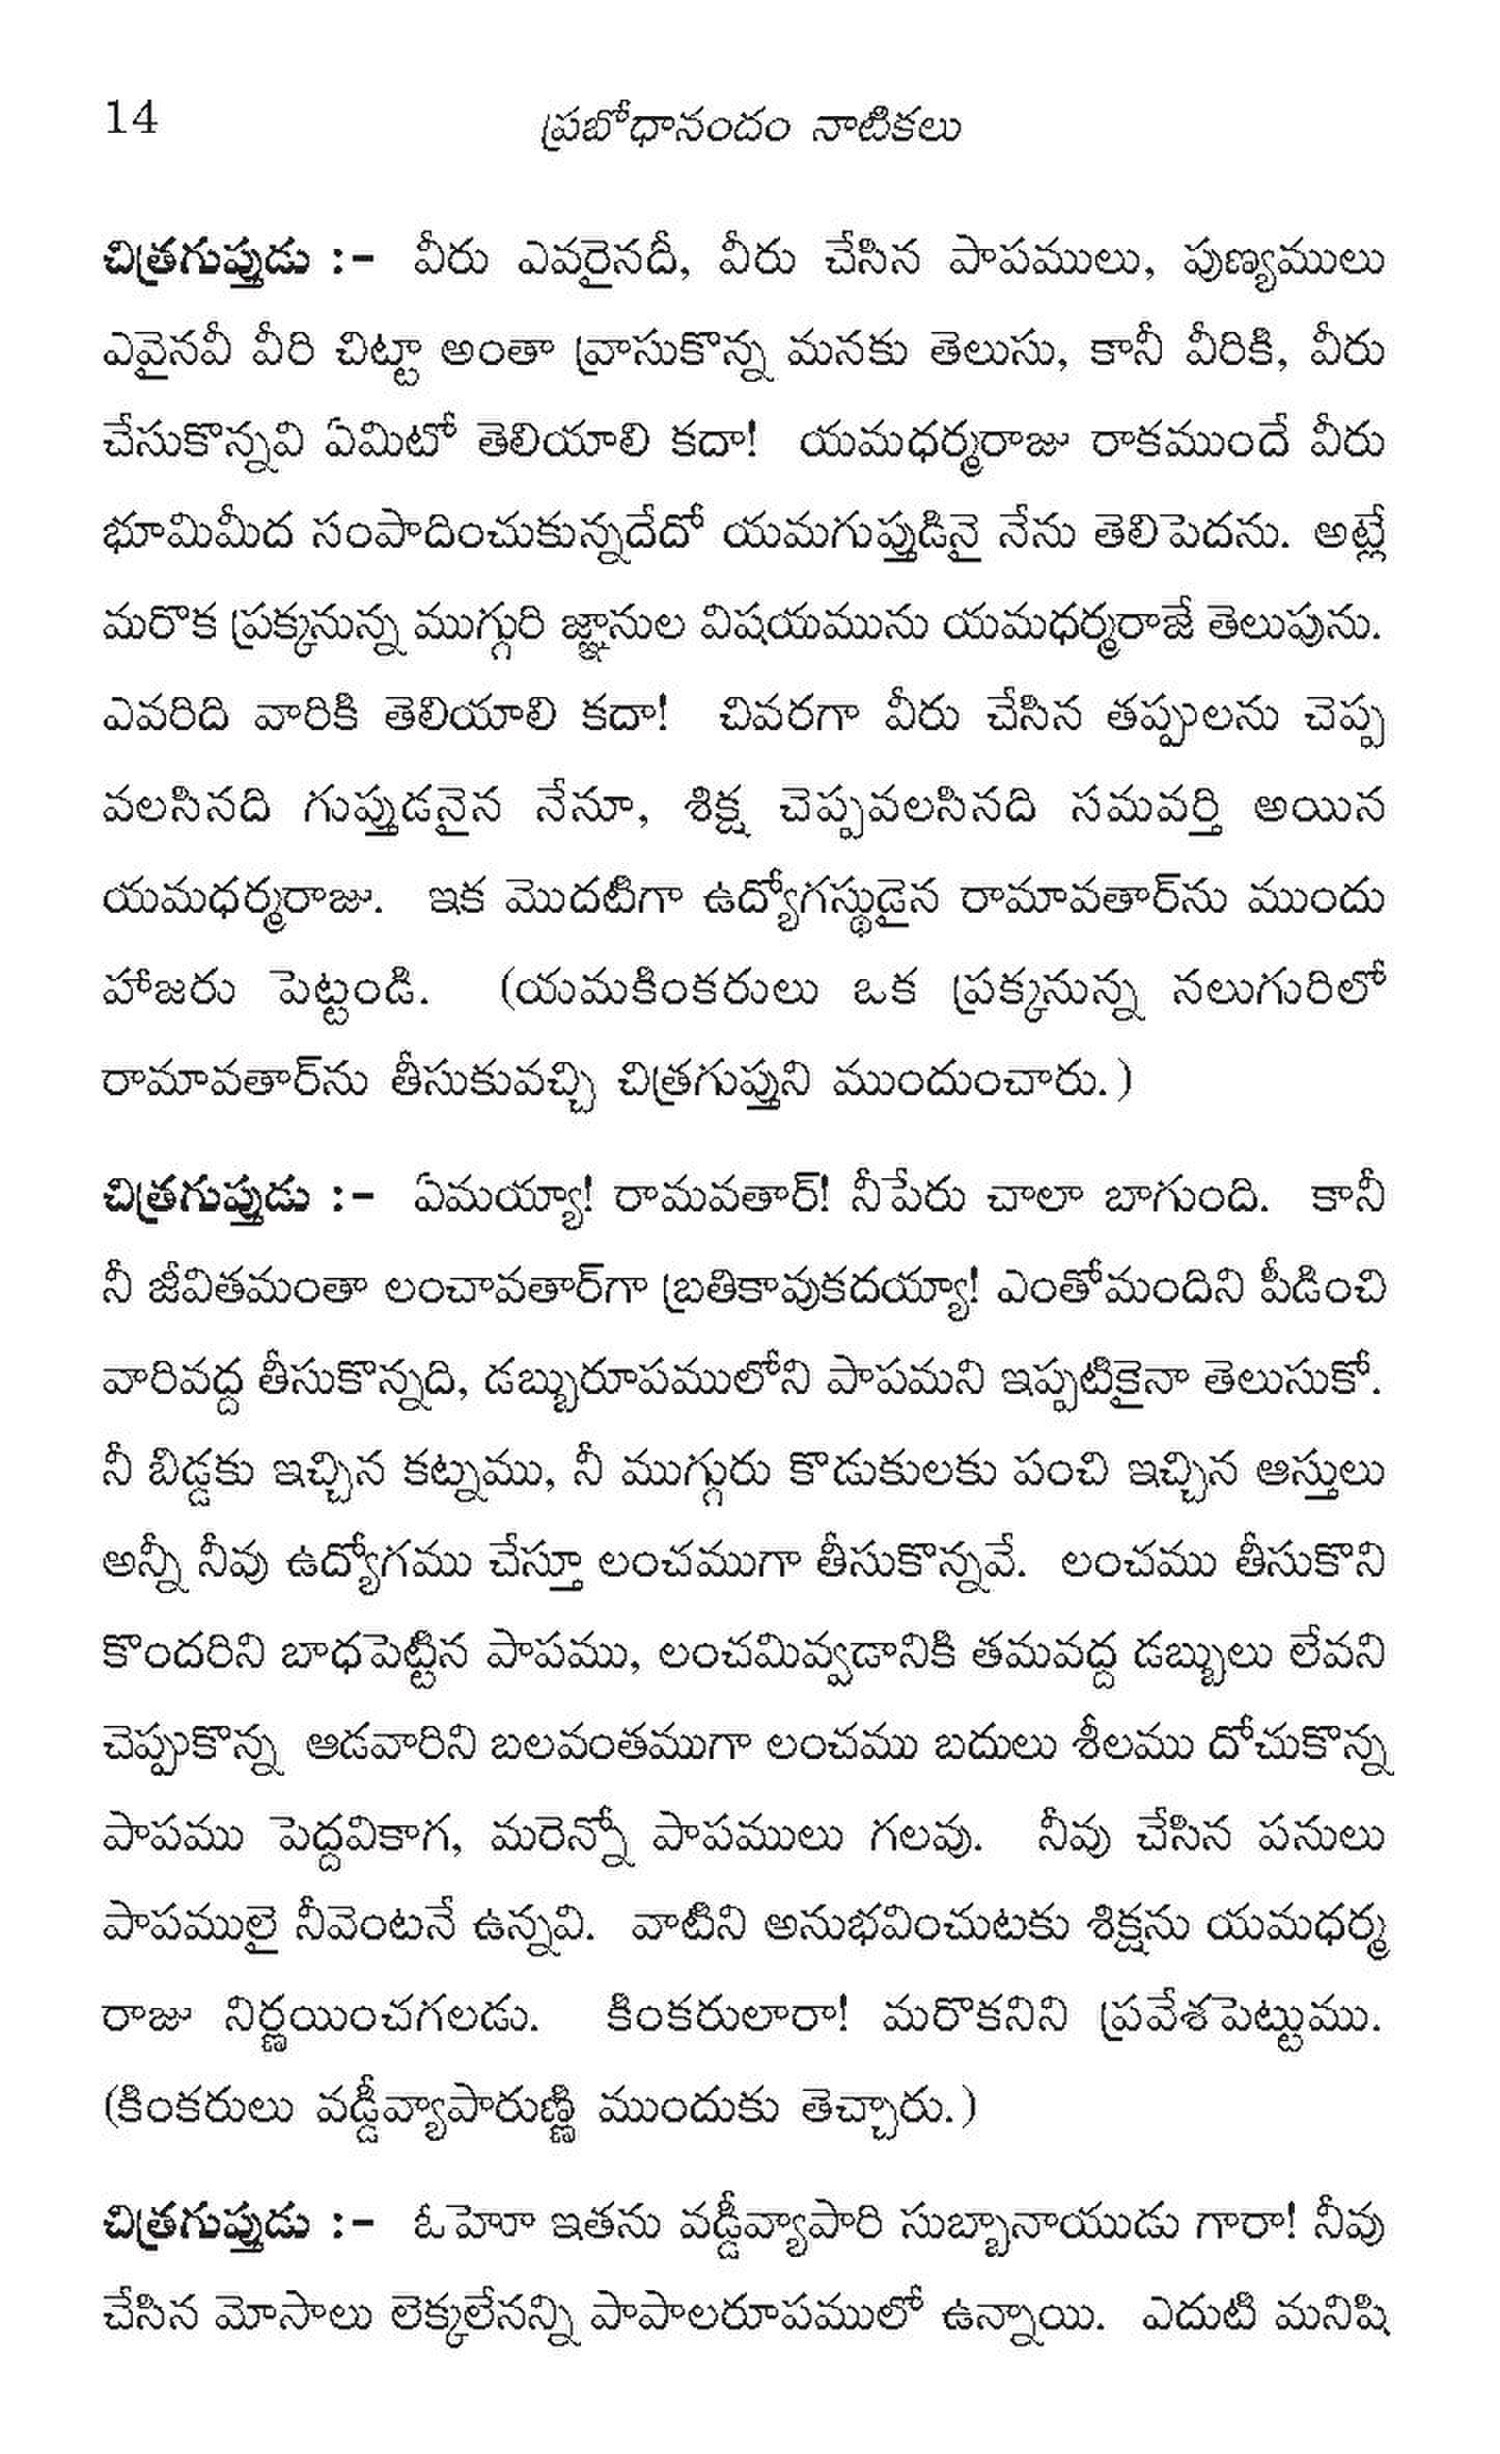చిత్రగుప్తుడు :- వీరు ఎవరైనదీ, వీరు చేసిన పాపములు, పుణ్యములు ఎవైనవీ వీరి చిట్టా అంతా వ్రాసుకొన్న మనకు తెలుసు, కానీ వీరికి, వీరు చేసుకొన్నవి ఏమిటో తెలియాలి కదా! యమధర్మరాజు రాకముందే వీరు భూమిమీద సంపాదించుకున్నదేదో యమగుప్తుడినై నేను తెలిపెదను. అట్లే మరొక ప్రక్కనున్న ముగ్గురి జ్ఞానుల విషయమును యమధర్మరాజే తెలుపును. ఎవరిది వారికి తెలియాలి కదా! చివరగా వీరు చేసిన తప్పులను చెప్ప వలసినది గుప్తుడనైన నేనూ, శిక్ష చెప్పవలసినది సమవర్తి అయిన యమధర్మరాజు. ఇక మొదటిగా ఉద్యోగస్థుడైన రామావతార్‌ను ముందు హాజరు పెట్టండి. (యమకింకరులు ఒక ప్రక్కనున్న నలుగురిలో రామావతార్‌ను తీసుకువచ్చి చిత్రగుప్తుని ముందుంచారు.)

చిత్రగుప్తుడు :- ఏమయ్యా! రామవతార్‌! నీపేరు చాలా బాగుంది. కానీ నీ జీవితమంతా లంచావతార్‌గా బ్రతికావుకదయ్యా! ఎంతోమందిని పీడించి వారివద్ద తీసుకొన్నది, డబ్బురూపములోని పాపమని ఇప్పటికైనా తెలుసుకో. నీ బిడ్డకు ఇచ్చిన కట్నము, నీ ముగ్గురు కొడుకులకు పంచి ఇచ్చిన ఆస్తులు అన్నీ నీవు ఉద్యోగము చేస్తూ లంచముగా తీసుకొన్నవే. లంచము తీసుకొని కొందరిని బాధపెట్టిన పాపము, లంచమివ్వడానికి తమవద్ద డబ్బులు లేవని చెప్పుకొన్న ఆడవారిని బలవంతముగా లంచము బదులు శీలము దోచుకొన్న పాపము పెద్దవికాగ, మరెన్నో పాపములు గలవు. నీవు చేసిన పనులు పాపములై నీవెంటనే ఉన్నవి. వాటిని అనుభవించుటకు శిక్షను యమధర్మ రాజు నిర్ణయించగలడు. కింకరులారా! మరొకనిని ప్రవేశపెట్టుము. (కింకరులు వడ్డీవ్యాపారుణ్ణి ముందుకు తెచ్చారు.)

చిత్రగుప్తుడు :- ఓహో ఇతను వడ్డీవ్యాపారి సుబ్బానాయుడు గారా! నీవు చేసిన మోసాలు లెక్కలేనన్ని పాపాలరూపములో ఉన్నాయి. ఎదుటి మనిషి